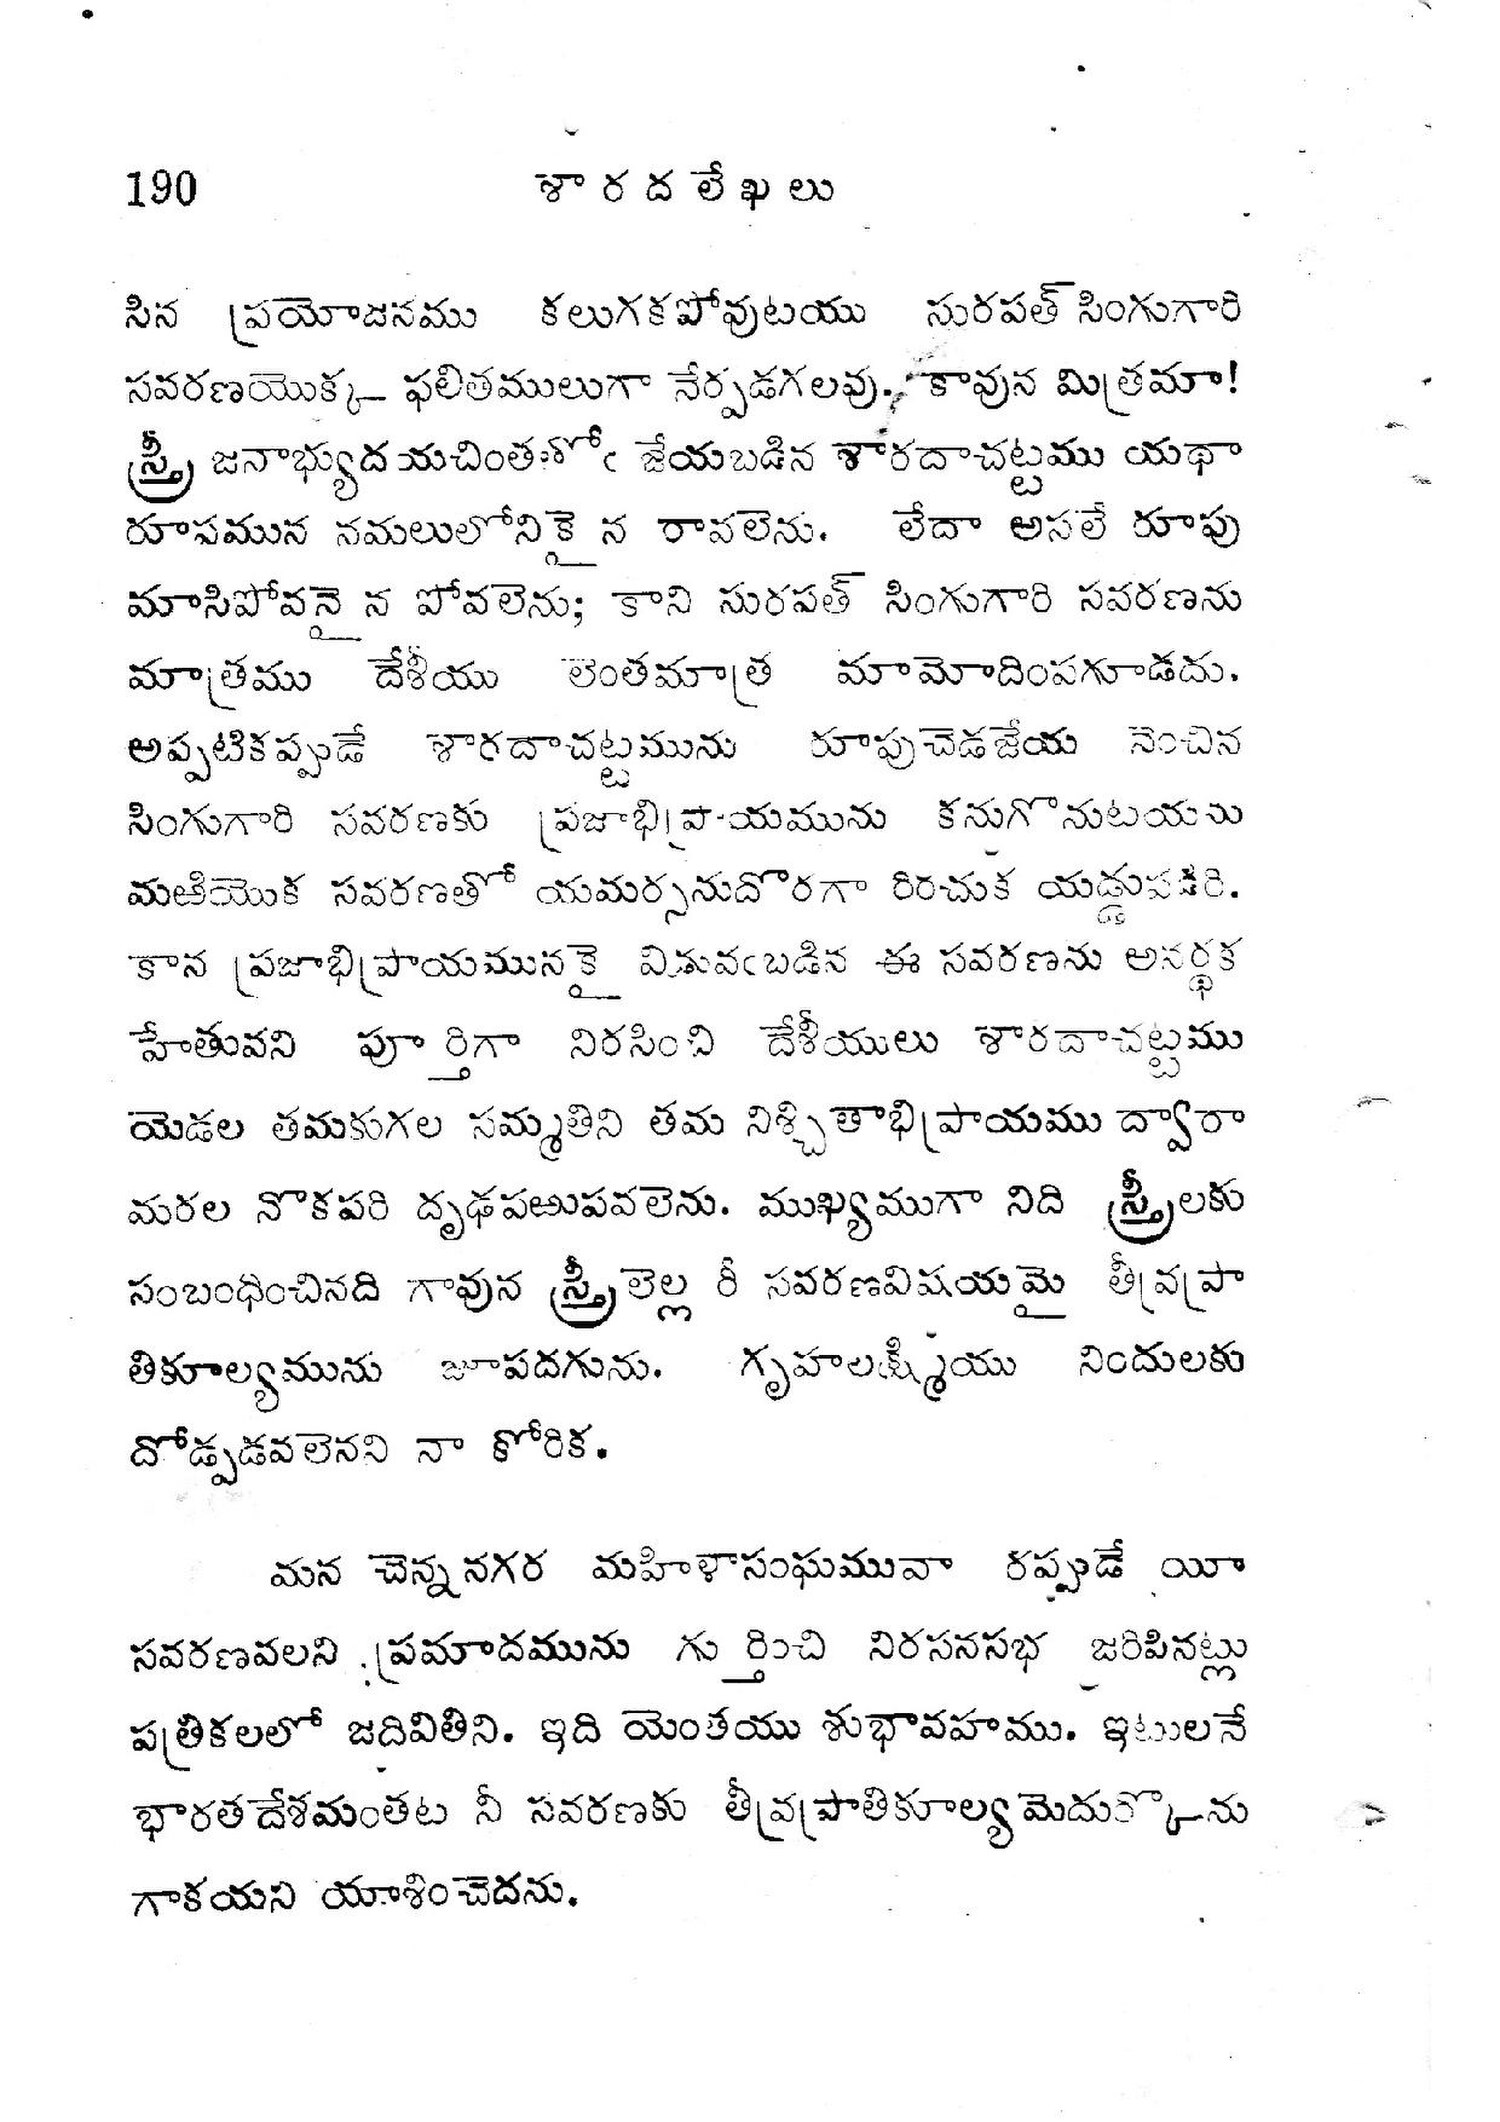సిన ప్రయోజనము కలుగకపోవుటయు సురపత్‌సింగుగారి సవరణయొక్క ఫలితములుగా నేర్పడగలవు. కావున మిత్రమా! స్త్రీ జనాభ్యుదయచింతతోఁ జేయబడిన శారదాచట్టము యథారూపమున నమలులోనికైన రావలెను. లేదా అసలే రూపుమాసిపోవనైన పోవలెను; కాని సురపత్ సింగుగారి సవరణను మాత్రము దేశీయు లెంతమాత్ర మామోదింపగూడదు. అప్పటికప్పుడే శారదాచట్టమును రూపుచెడజేయ నెంచిన
సింగుగారి సవరణకు ప్రజాభిప్రాయమును కనుగొనుటయను మఱియొక సవరణతో యమర్సనుదొరగా రించుక యడ్డుపడిరి. కాన ప్రజాభిప్రాయమునకై విడువఁబడిన ఈ సవరణను అనర్థక హేతువని పూర్తిగా నిరసించి దేశీయులు శారదాచట్టము యెడల తమకుగల సమ్మతిని తమ నిశ్చితాభిప్రాయము ద్వారా మరల నొకపరి దృఢపఱుపవలెను. ముఖ్యముగా నిది స్త్రీలకు సంబంధించినది గావున స్త్రీలెల్ల రీ సవరణవిషయమై తీవ్రప్రాతికూల్యమును జూపదగును. గృహలక్ష్మియు నిందులకు దోడ్పడవలెనని నా కోరిక.

మన చెన్ననగర మహిళాసంఘమువా రప్పుడే యీ సవరణవలని ప్రమాదమును గుర్తించి నిరసనసభ జరిపినట్లు పత్రికలలో జదివితిని. ఇది యెంతయు శుభావహము. ఇటులనే భారతదేశమంతట నీ సవరణకు తీవ్రప్రాతికూల్యమెదుర్కొను గాకయని యాశించెదను.